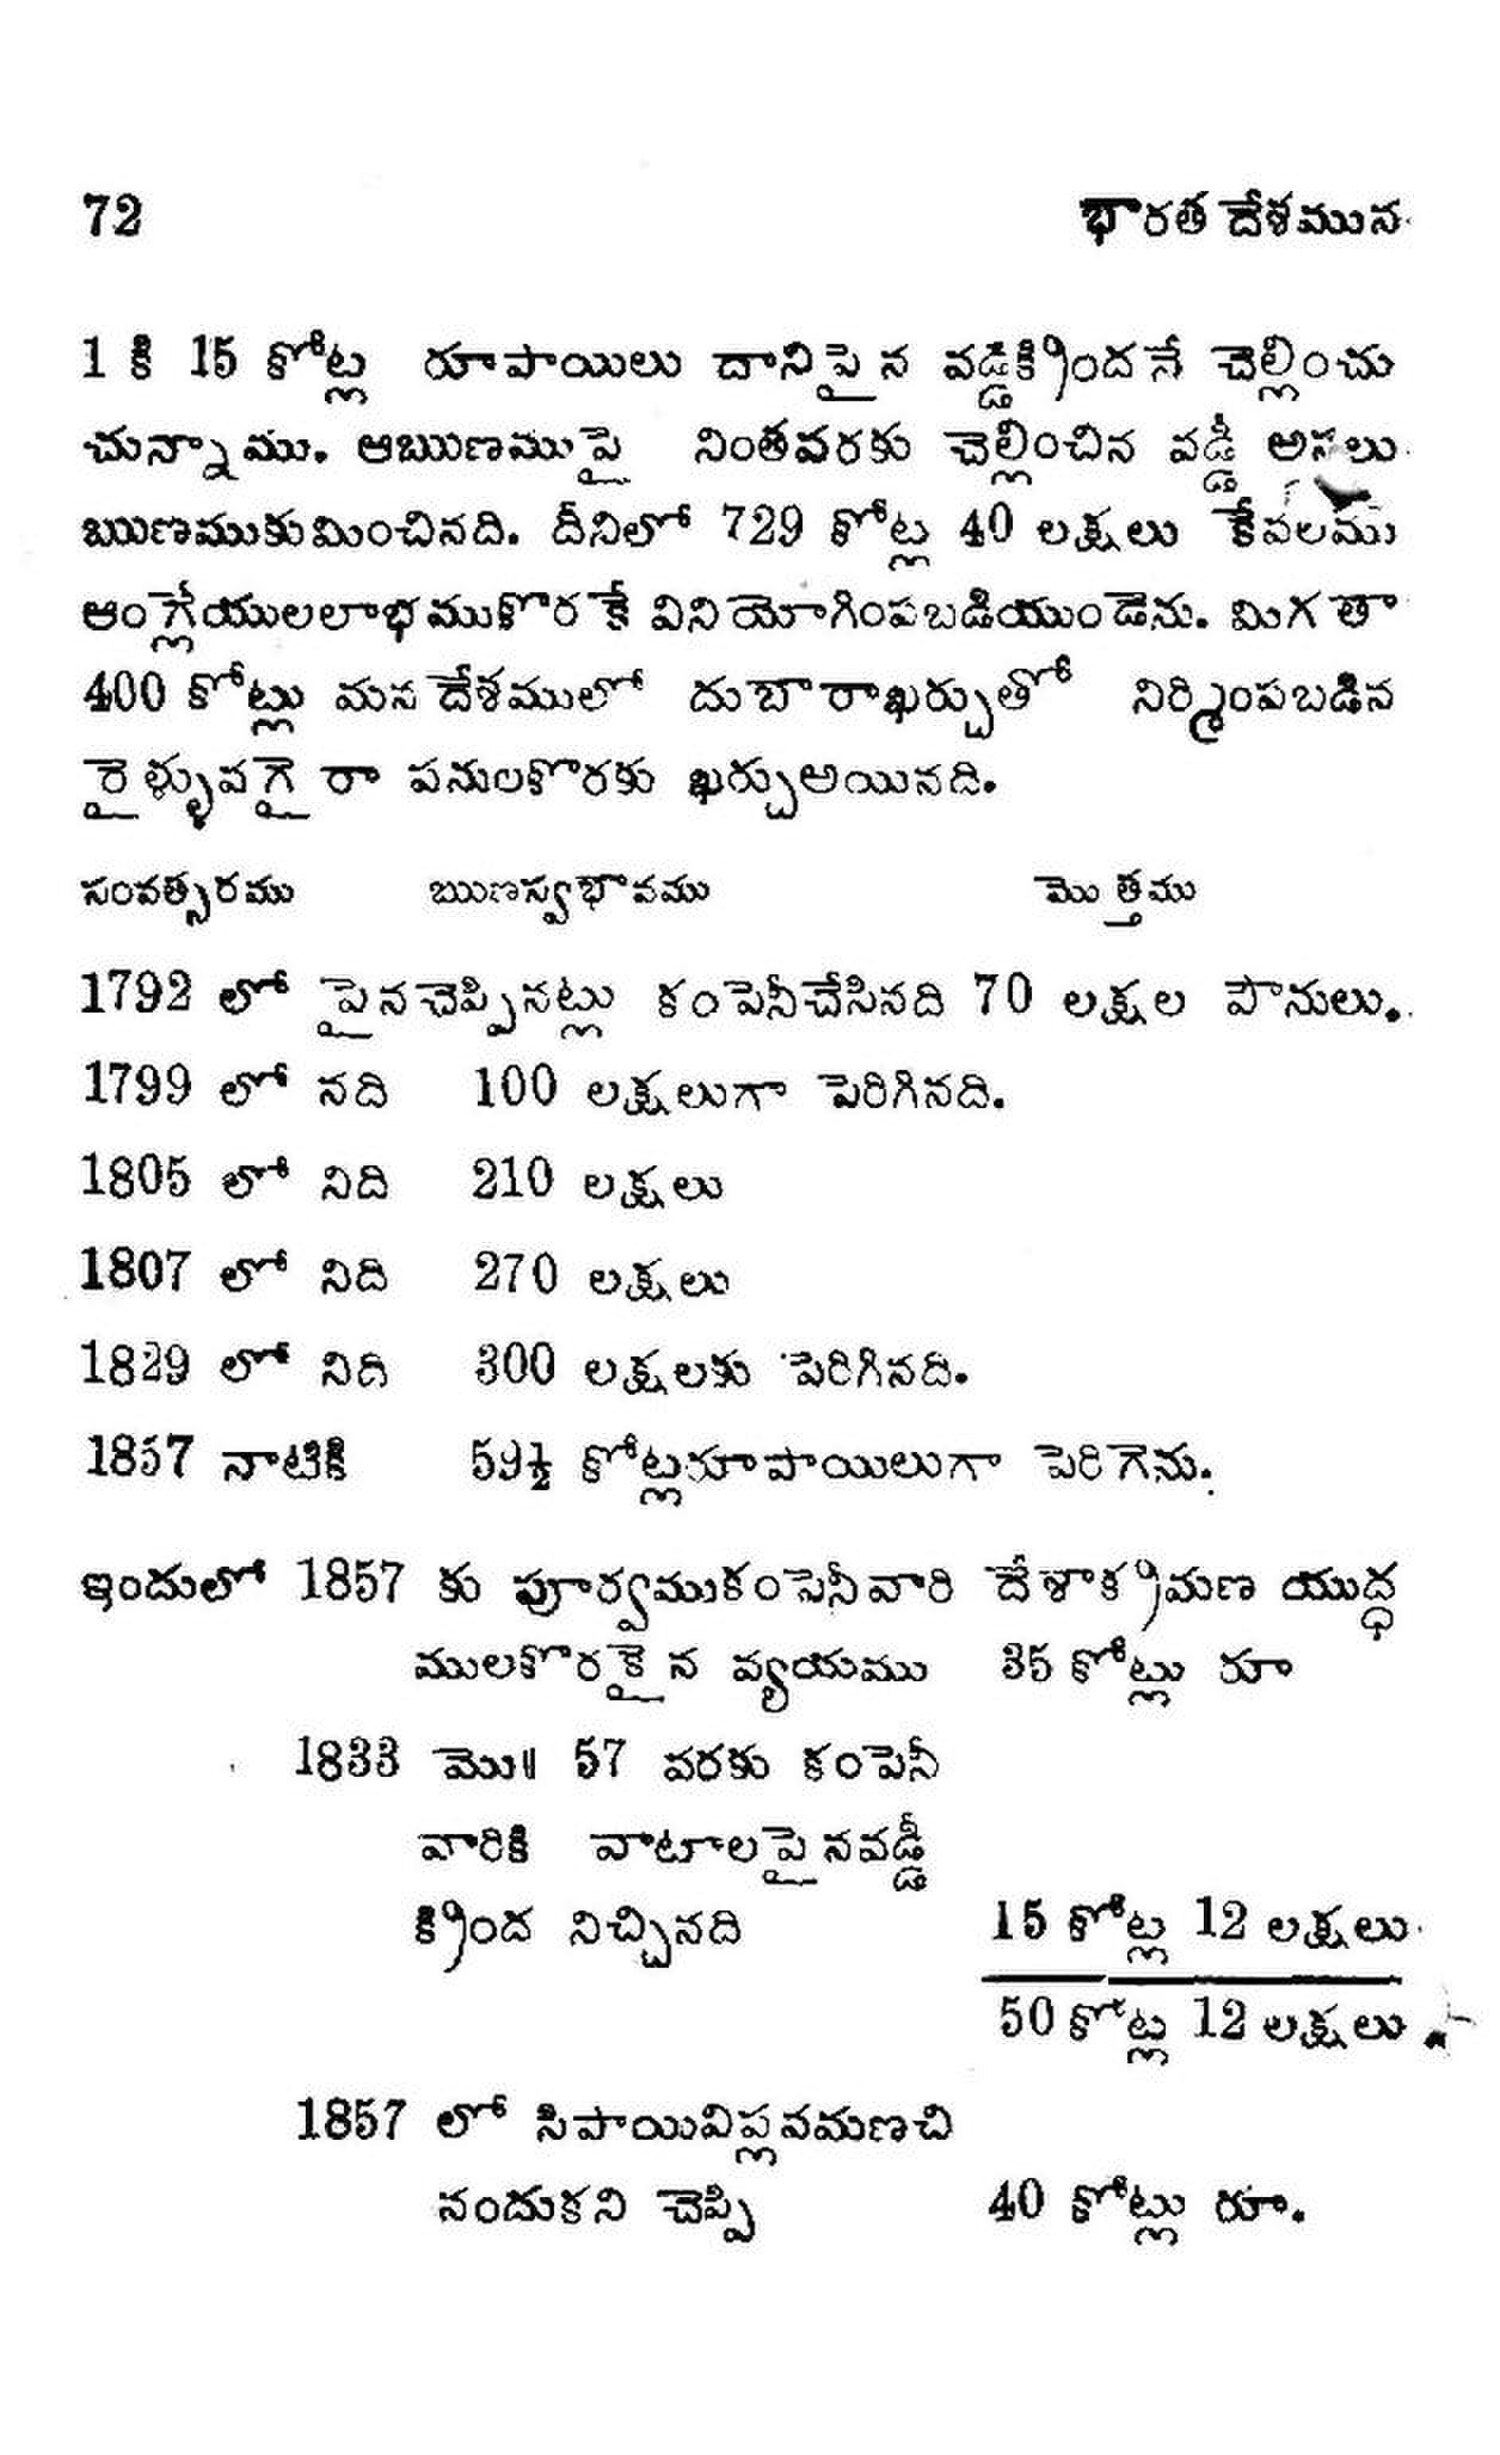1 కి 15 కోట్ల రూపాయిలు దానిపైన వడ్డిక్రిందనే చెల్లించుచున్నాము. ఆఋణముపై నింతవరకు చెల్లించిన వడ్డీ అసలు ఋణముకుమించినది. దీనిలో 729 కోట్ల 40 లక్షలు కేవలము ఆంగ్లేయులలాభముకొరకే వినియోగింపబడి యుండెను. మిగతా 400 కోట్లు మనదేశములో దుబారాఖర్చుతో నిర్మింపబడిన రైళ్ళువగైరా పనులకొరకు ఖర్చుఅయినది. 

 సంవత్సరము ఋణస్వభావము మొత్తము 1792 లో పైనచెప్పినట్లు కంపెనీచేసినది 70 లక్షల పౌనులు 1799 లో నది 100 లక్షలుగా పెరిగినది 1805 లో నిది 210 లక్షలు 1807 లో నిది 270 లక్షలు 1829 లో నిది 300 లక్షలకు పెరిగినది. 1857 నాటికి 59 1/2 కోట్లరూపాయిలుగా పెరిగెను.

ఇందులో 1857 కు పూర్వముకంపెనీవారి దేశాక్రమణ యుద్ధములకొరకైన వ్యయము 35 కోట్లు రూ

1833 మొ|| 57 వరకు కంపెనీవారికి వాటాలపైనవడ్డీ క్రింద నిచ్చినది 15 కోట్ల 12 లక్షలు - 50 కోట్ల 12 లక్షలు

1857 లో సిపాయివిప్లవమణచినందుకని - 40 కోట్లు రూ